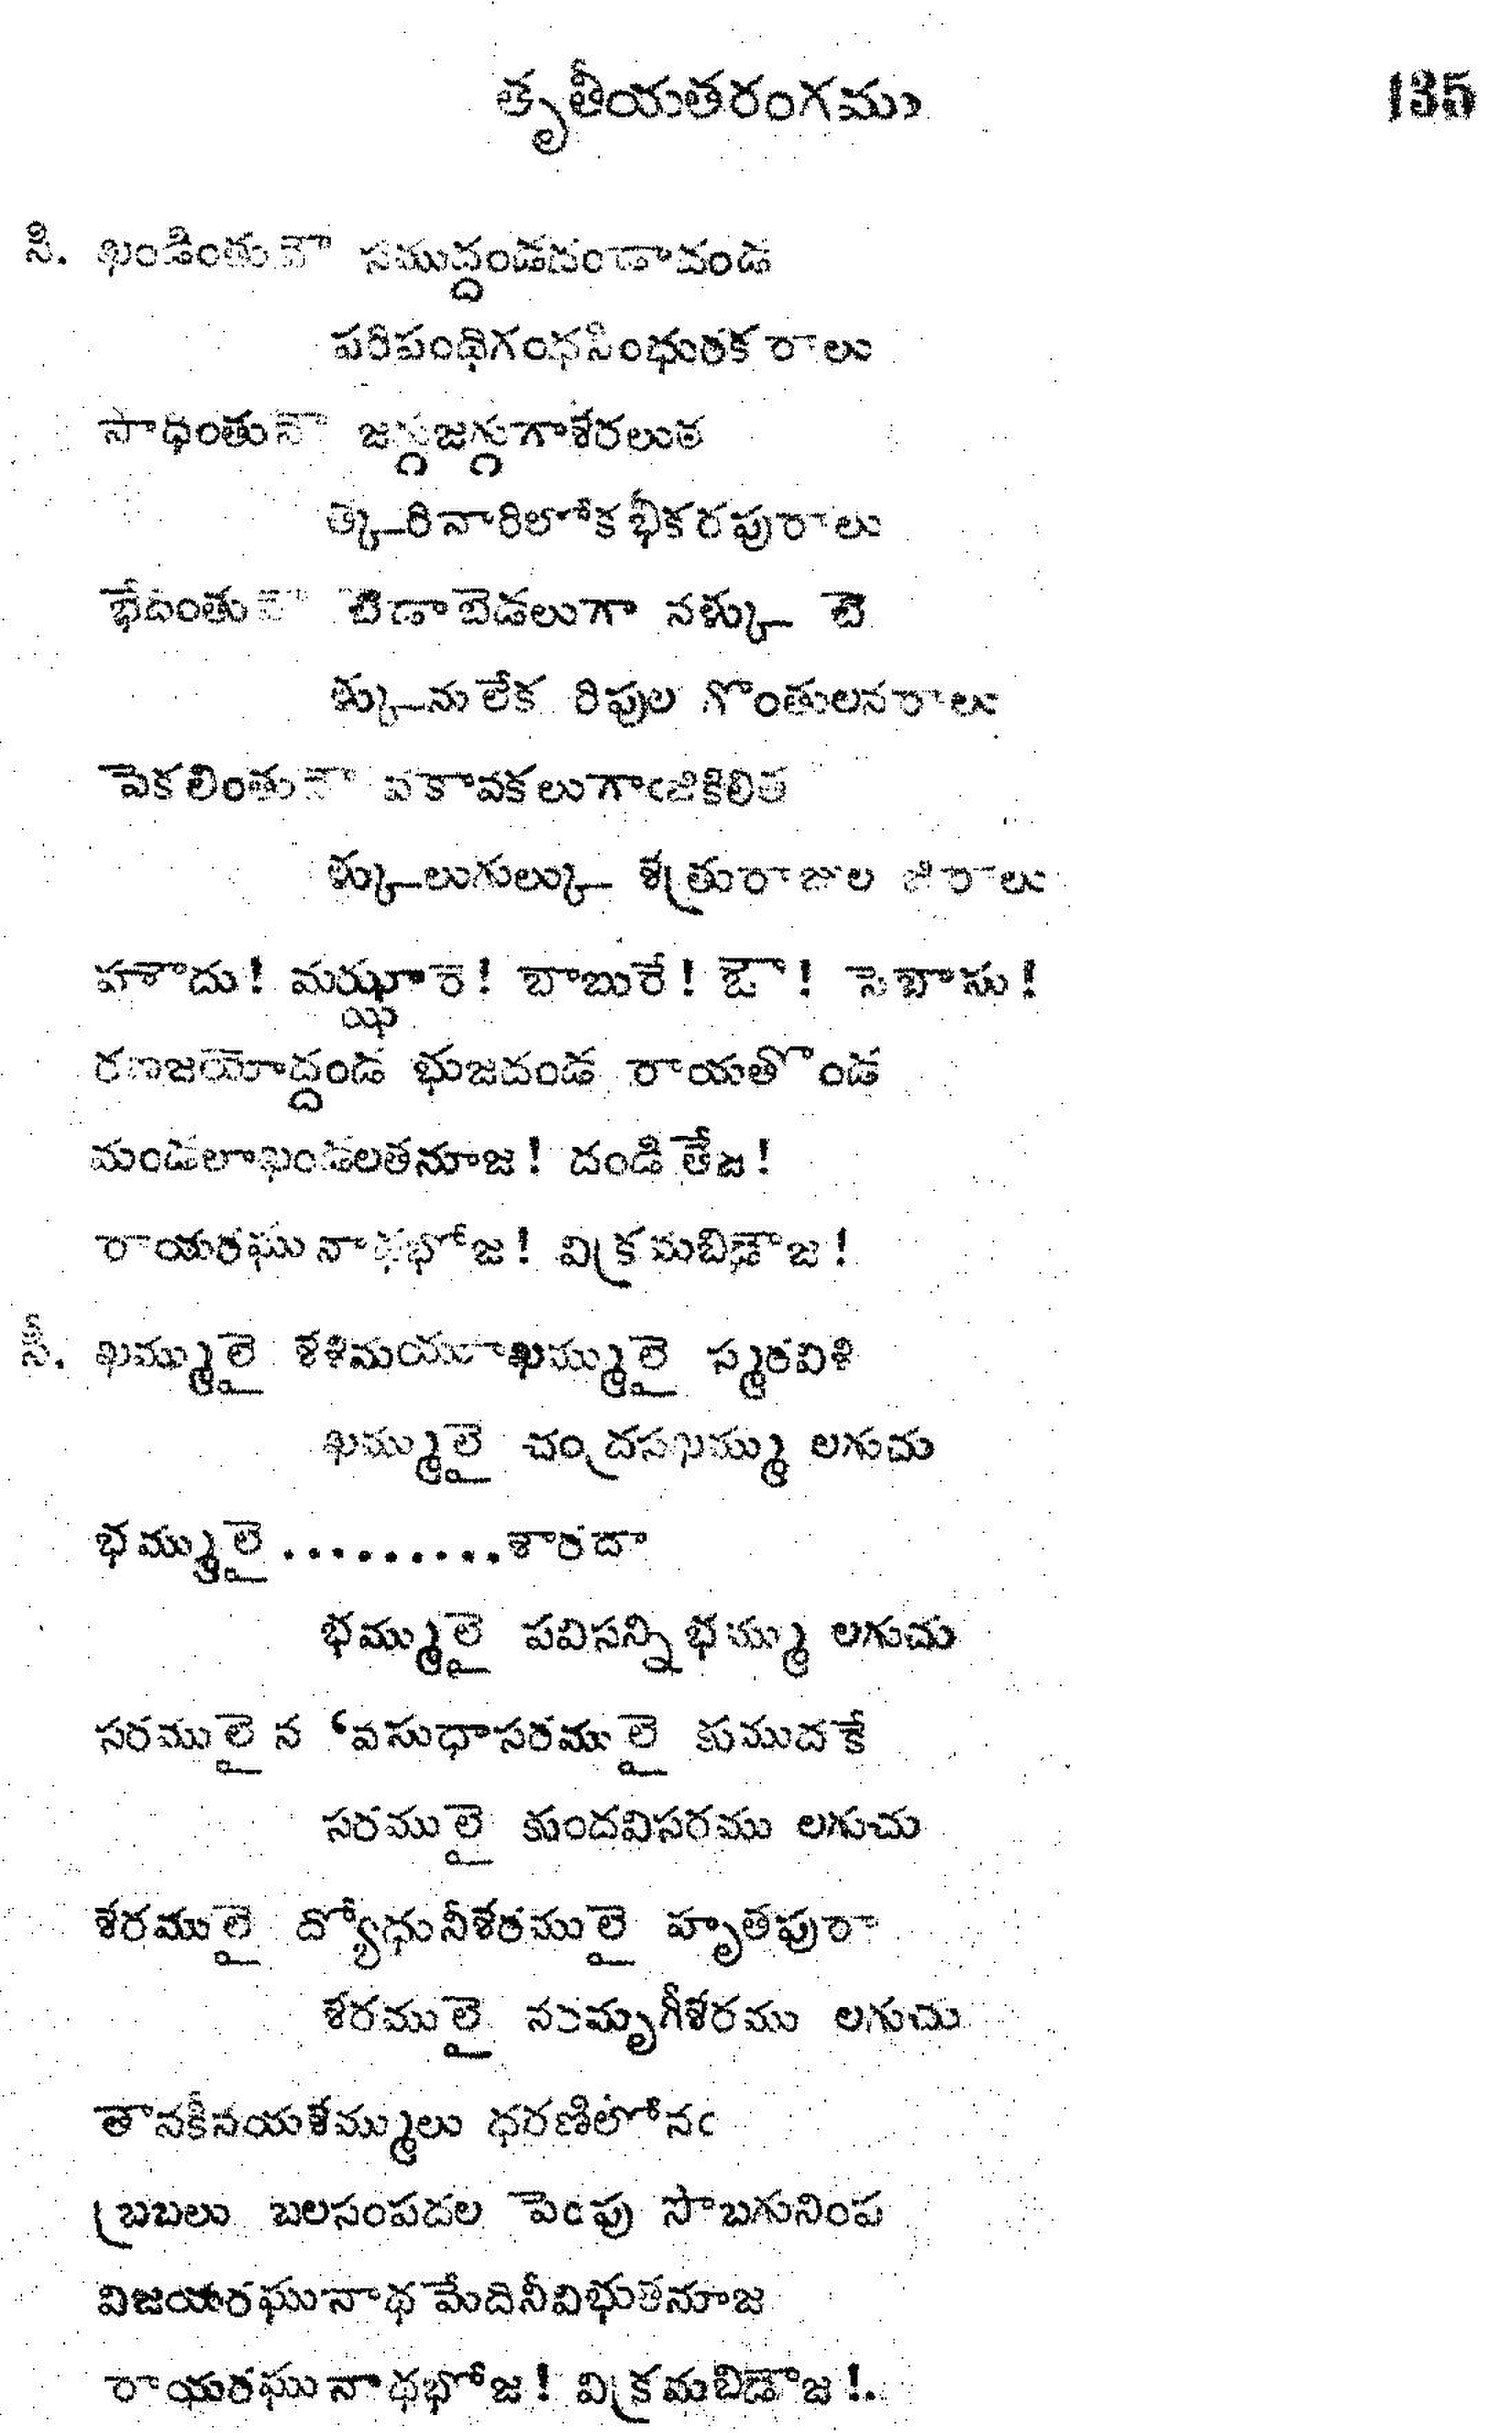సీ. ఖండింతువౌ సముద్దండదండాదండ
 పరపంథిగంధసింధురకరాలు
 సాధింతువౌ జగ్గుజగ్గుగాశరలుఠ
 త్కరినారిలోకభీకరపురాలు
 భేదింతువౌ బెడాబెడలుగా నళ్కు చె
 ళ్కును లేక రిపుల గొంతులనరాలు
 పెకలింతువౌ వకావకలుగాఁ జికిలిత
 ళ్కులు గుల్కు శత్రురాజుల జిరాలు
 హౌదు! మఝ్ఝారె! బాబురే! ఔ! సెబాసు!
 రణజయోద్దండ భుజదండ రాయతొండ
 మండలాఖండలతనూజ! దండితేజ!
 రాయరఘునాథభోజ! విక్రమబిడౌజ!

సీ. ఖమ్ములై శశిమయూఖమ్ములై స్మరవిశి
 ఖమ్ములై చంద్రసఖమ్ము లగుచు
 భమ్ములై..............................శారదా
 భమ్ములై పవసన్నిభమ్ము లగుచు
 సరములైన వసుధాసరములై కుముదకే
 సరములై కుందవిసరము లగుచు
 శరములై ద్యోధునీశరములై హృతపురా
 శరములై నరమృగీశరము లగుచు
 తావకీనయశమ్ములు ధరణిలోనఁ
 బ్రబలు బలసంపదుల పెంపు సొబగునింప
 విజయరఘునాథమేదినీవిభుతనూజ
 రాయరఘునాథభోజ! విక్రమబిడౌజ!